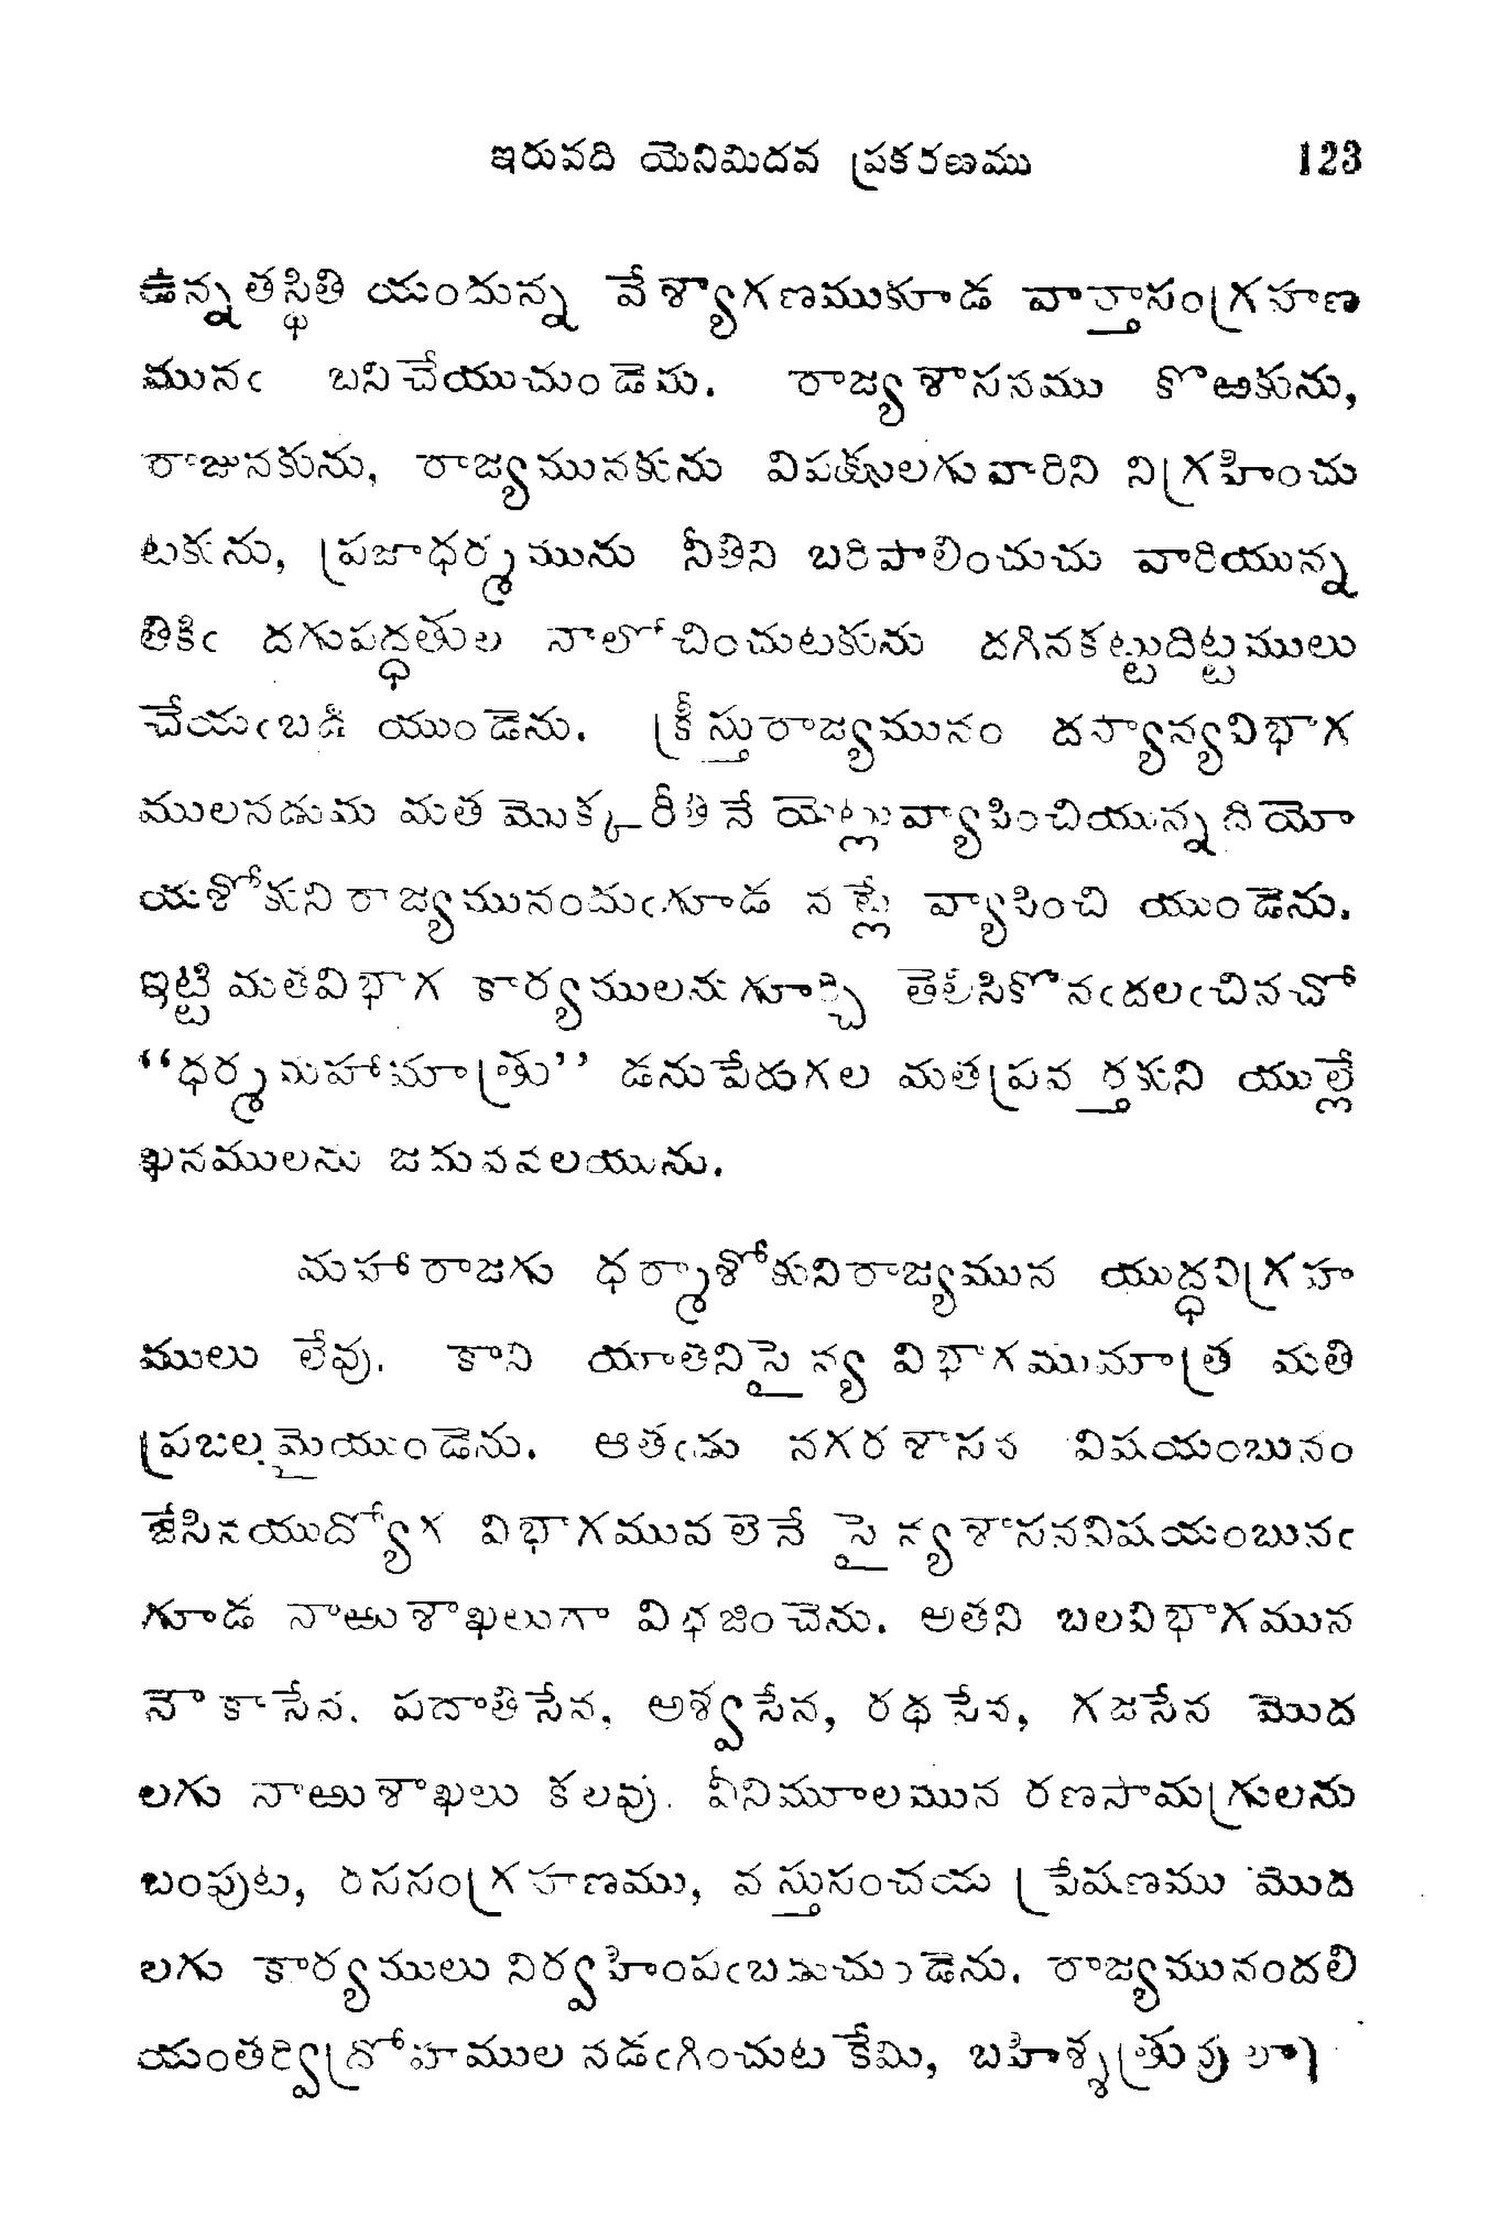ఉన్నత స్థితి యందున్న వేశ్యాగణముకూడ వార్తాసంగ్రహణమునఁ బస చేయుచుండెను.
రాజ్యశాసనము కొఱకును, రాజునకును, రాజ్యమునకును విపక్షులగు వారిని నిగ్రహించుటకును, ప్రజాధర్మమును నీతిని బరి పాలించుచు వారియున్నతికిఁ దగుపద్ధతుల నాలో చించుటకును దగినక ట్టుదిట్టములు చేయఁబడి యుండెను. క్రీస్తు రాజ్యమునం దస్యా న్యవిభాగములనడుమ మత మొక్కరీతి నే యెట్లు వ్యాపించియున్నదియో యశోకుని రాజ్యమునందుఁగూడ నట్లే వ్యాపించి యుండెను. ఇట్టి మతవిభాగ కార్యములను గూర్చి తెలిసికొనఁదలఁచినచో “ధర్మ మహామాత్రు” డను పేరుగల మత ప్రవర్తకుని యుల్లే
ఖనములను జదువవలయును.

మహా రాజగు ధర్మాశోకుని రాజ్యమున యుద్ధ విగ్రహములు లేవు. కాని యాతని సైన్య విభాగము మాత్ర మతి ప్రజల మైయుండెను. ఆతఁడు నగర శాసన విషయంబునం జేసిన యుద్యోగ విభాగమువ లెనే సైన్యశాసన విషయంబునఁ గూడ నాఱు శాఖలుగా విభజించెను. అతని బలవిభాగమున నౌకాసేన, పదాతిసేన, అశ్వసేన, రథసేన, గజసేన మొదలగు నాఱు శాఖలు కలవు. వీనిమూలమున రణసామగ్రులను బంపుట, రససంగ్రహణము, వస్తుసంచయ ప్రేషణము 'మొదలగు కార్యములు నిర్వహింపఁబడుచుం డెను. రాజ్యమునందలి
యంతర్విద్రోహముల నడఁగించుట కేమి, బహిశ్శత్రువులా